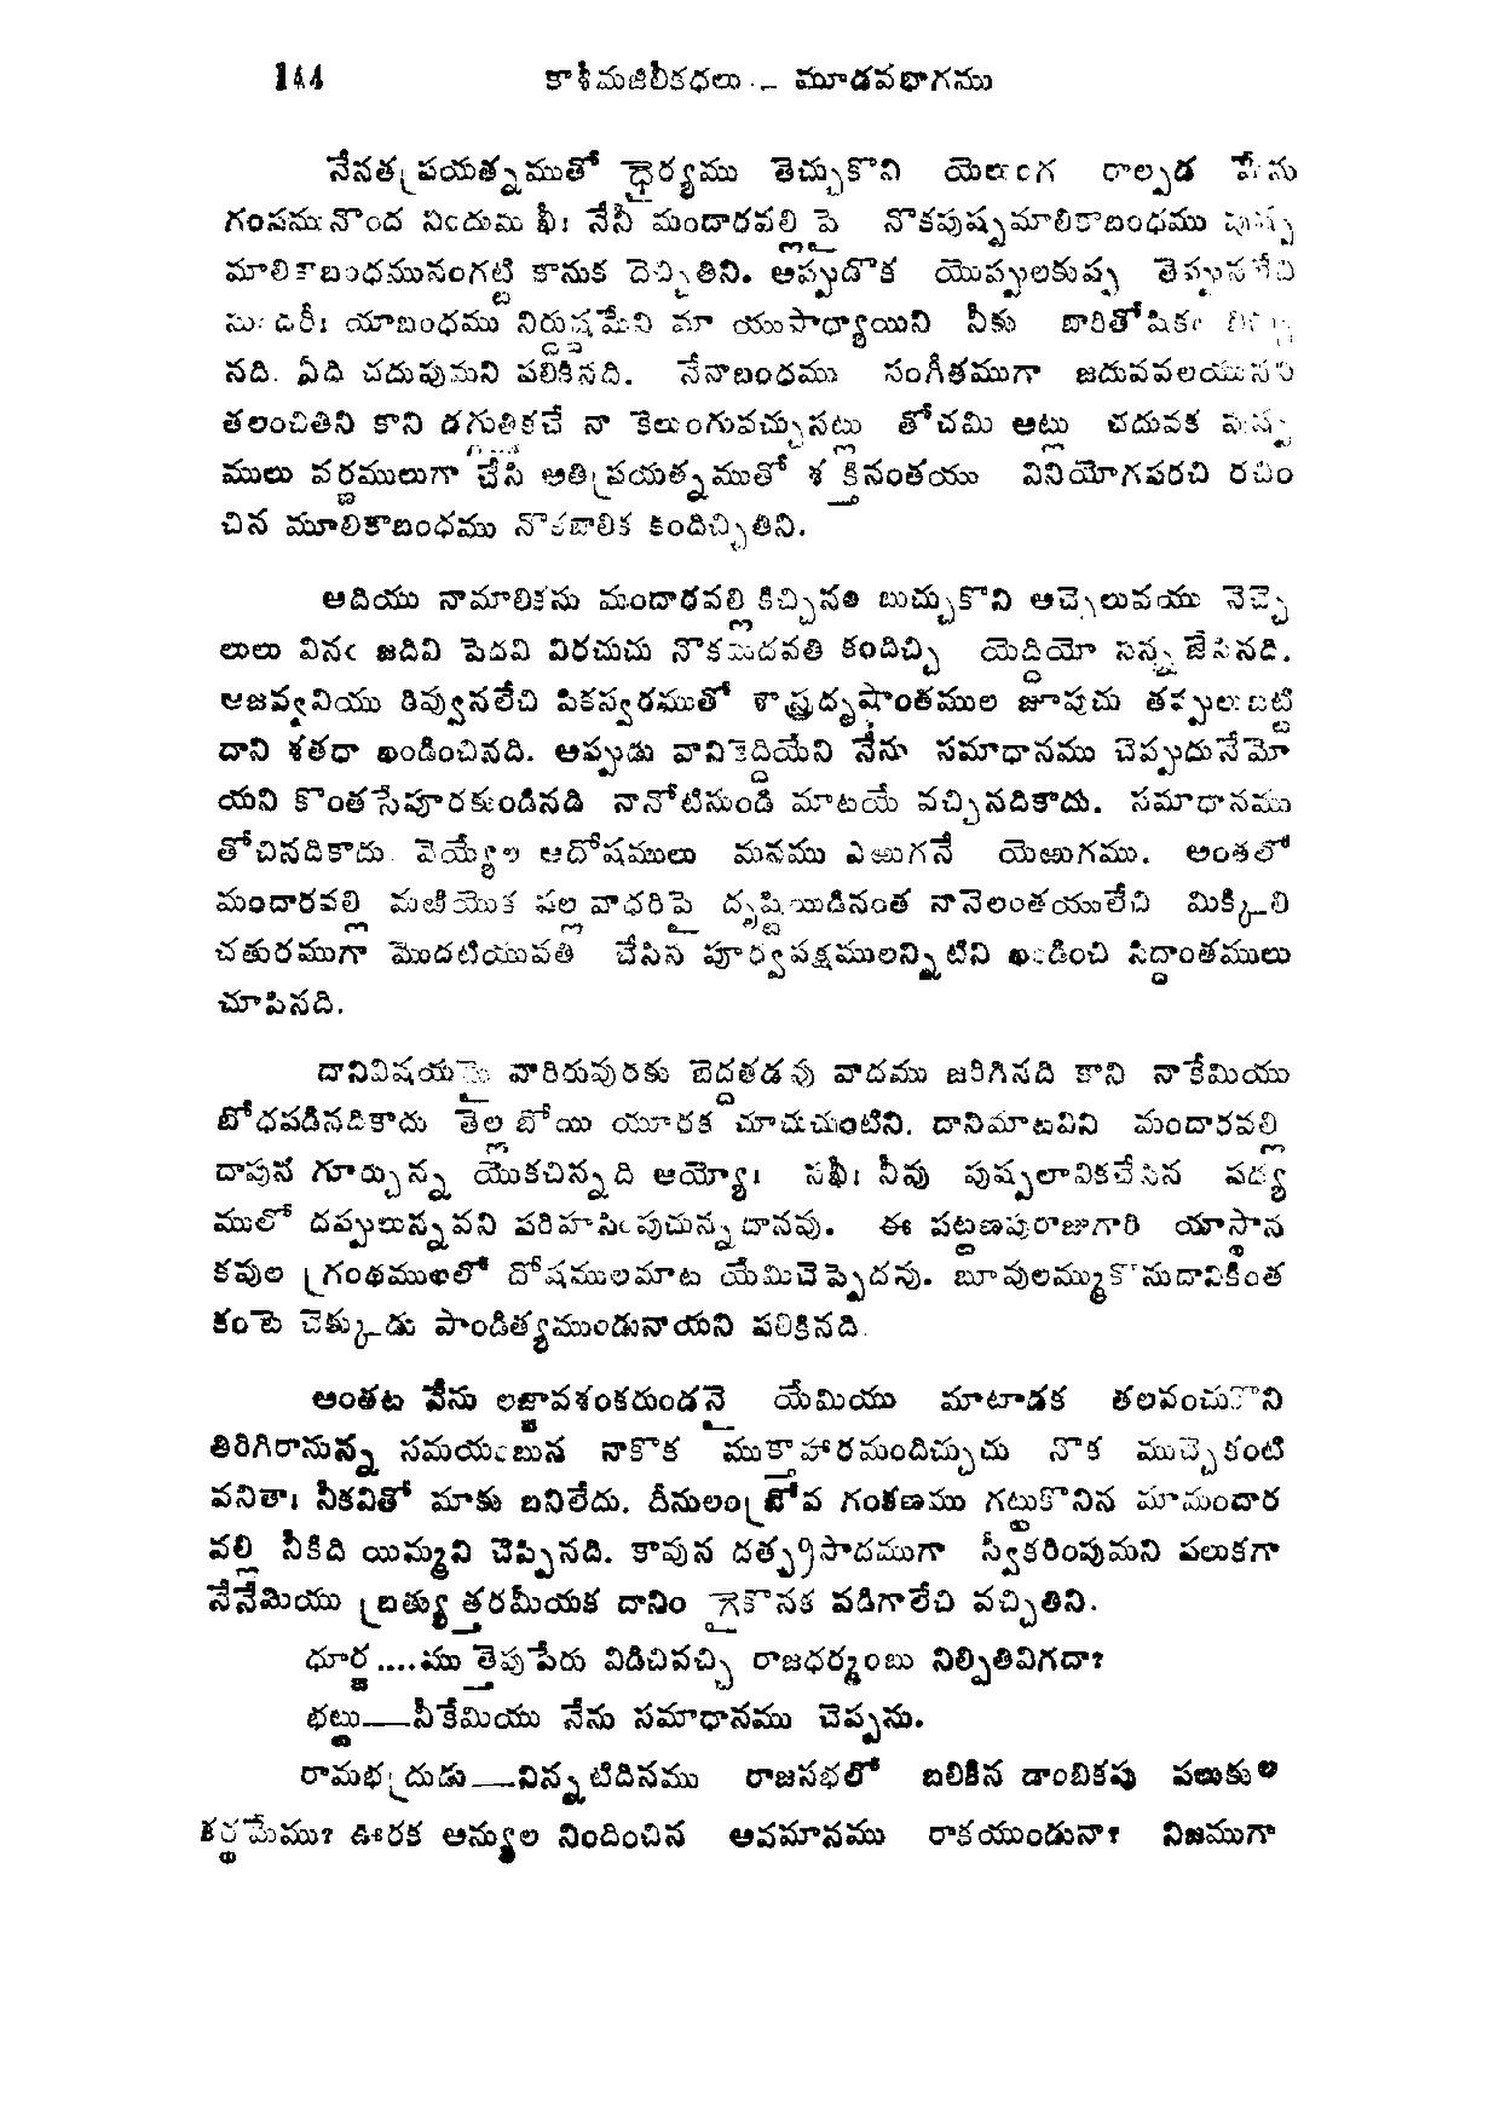నేనతప్రయత్నముతో ధైర్యము తెచ్చుకొని యెలుంగ రాల్పడ మేను గంపమునొంద నిందుముఖీ! నేనీ మందారవల్లిపై నొకపుష్పమాలికాబంధము పుష్పమాలికాబంధమునంగట్టి కానుక దెచ్చితిని. అప్పుడొక యొప్పులకుప్ప తెప్పునలేచి సుందరీ! యాబంధము నిర్దుష్టమేని మా యుపాధ్యాయిని నీకు బారితోషికం బిచ్చునది. ఏది చదువుమని పలికినది. నేనాబంధము సంగీతముగా జదువవలయునని తలంచితిని కాని డగ్గుత్తికచే నా కెలుంగువచ్చునట్లు తోచమి అట్లు చదువక పుష్పములు వర్ణములుగా చేసి అతిప్రయత్నముతో శక్తినంతయు వినియోగపరచి రచించిన మూలికాబంధము నొకబాలిక కందిచ్చితిని.

అదియు నామాలికను మందారవల్లి కిచ్చినం బుచ్చుకొని అచ్చెలువయు నెచ్చెలులు వినఁ జదివి పెదవి విరచుచు నొకమదవతి కందిచ్చి యెద్దియో సన్న జేసినది. ఆజవ్వనియు రివ్వునలేచి పికస్వరముతో శాస్త్రదృష్టాంతముల జూపుచు తప్పులుబట్టి దాని శతథా ఖండించినది. అప్పుడు వానికెద్దియేని నేను సమాధానము చెప్పుదునేమో యని కొంతసేపూరకుండినది నానోటినుండి మాటయే వచ్చినదికాదు. సమాధానము తోచినదికాదు. వెయ్యేల ఆదోషములు మనము ఎఱుగనే యెఱుగము. అంతలో
మందారవల్లి మఱియొక పల్లవాధరిపై దృష్టియిడినంత నానెలంతయు లేచి మిక్కిలి చతురముగా మొదటియువతి చేసిన పూర్వపక్షములన్నిటిని ఖండించి సిద్ధాంతములు చూపినది.

దానివిషయమై వారిరువురకు బెద్దతడవు వాదము జరిగినది కాని నాకేమియు బోధపడినదికాదు. తెల్లబోయి యూరక చూచుచుంటిని. దానిమాటవిని మందారవల్లి దాపున గూర్చున్న యొకచిన్నది అయ్యో! సఖీ! నీవు పుష్పలావికచేసిన పద్యములో దప్పులున్నవని పరిహసింపుచున్నదానవు. ఈ పట్టణపు రాజుగారి యాస్థానకవుల గ్రంథములలో దోషములమాట యేమి చెప్పెదవు. బూవులమ్ముకొనుదాని కింతకంటె బెక్కుడు పాండిత్య ముండునా యని పలికినది.

అంతట నేను లజ్జావశంకరుండనై యేమియు మాటాడక తలవంచుకొని తిరిగిరానున్నసమయంబున నాకొక ముక్తాహార మందిచ్చుచు నొక మచ్చెకంటి వనితా! నీకవితో మాకు బనిలేదు. దీనులంబ్రోవ గంకణము గట్టుకొనిన మామందారవల్లి నీకిది యిమ్మని చెప్పినది. కావున దత్ప్రసాదముగా స్వీకరింపుమని పలుకగా నేనేమియు బ్రత్యుత్తరమీయక దానిం గైకొనక వడిగాలేచి వచ్చితిని.

ధూర్జ - ముత్తెపుపేరు విడిచివచ్చి రాజధర్మంబు నిల్పితివిగదా?

భట్టు - నీకేమియు నేను సమాధానము చెప్పను.

రామభద్రుడు - నిన్నటిదినము రాజసభలో బలికిన డాంబికపు పలుకుల కర్థమేమి? ఊరక అన్యుల నిందించిన అవమానము రాకయుండునా? నిజముగా